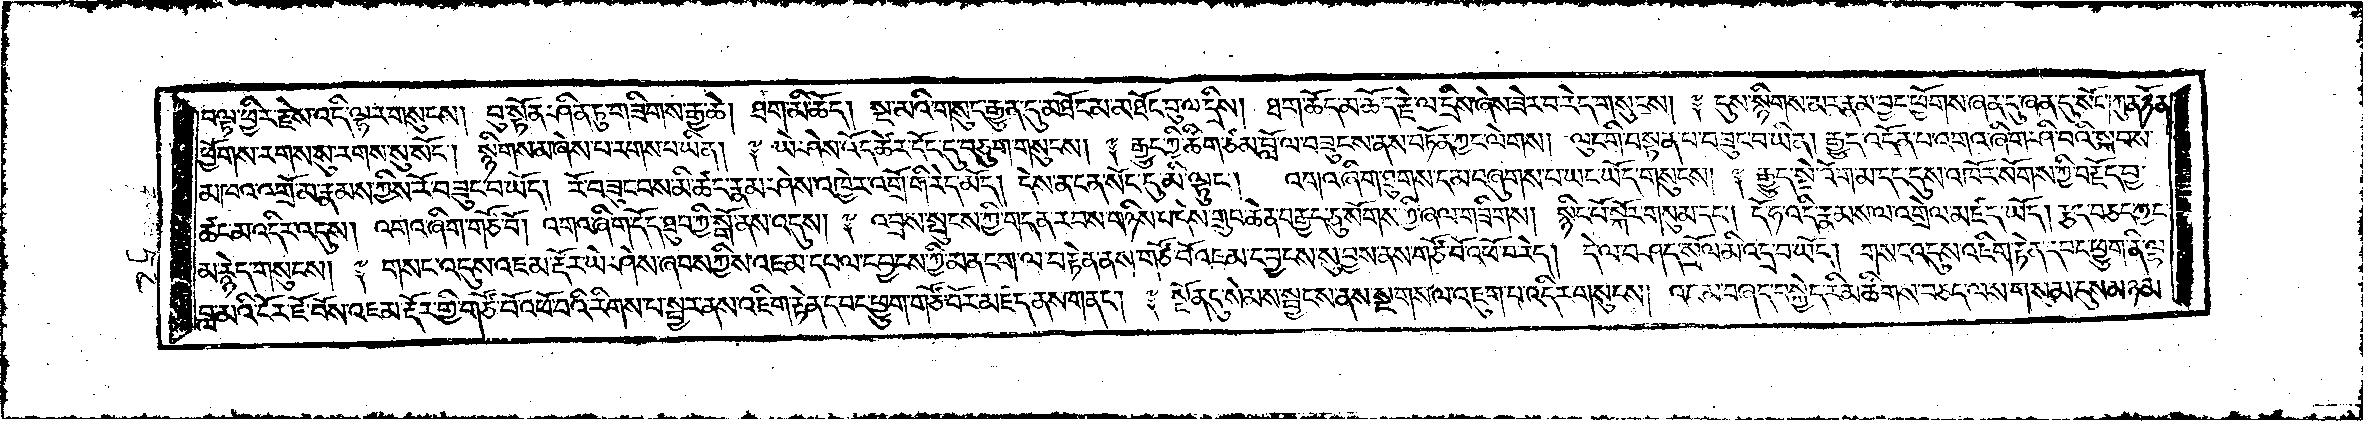བལྟ་ཕྱིར་རྗེས་འདི་ལྟར་གསུངས། བུ་སྟོན་ཤིན་ཏུ་གཟིགས་རྒྱ་ཆེ། ཐག་མི་ཆོད། སྔ་མའི་གསུང་རྒྱུན་དུ་མཐོང་མ་མཐོང་བུ་ལ་དྲིས། ཐག་ཆོད་མཆོད་རྗེ་ལ་དྲིས་ཞེས་ཟེར་བ་རེད་གསུངས། ༈ དུས་སྙིགས་མར་རྣམ་བྱང་ཕྱོགས་ཞན་དུ་ཞན་དུ་སོག་ཀུན་ཉོན་
ཕྱོགས་རགས་སུ་རགས་སུ་སོང་། སྙིགས་མ་ཞེས་པ་རགས་པ་ཡིན། ༈ ཡེ་ཤེས་འོད་ཚེར་དོང་དུ་བཅུག་གསུངས། ༈ རྒྱུད་ཀྱི་ཚིག་ཙམ་བློ་ལ་བཟུངས་ནས་བཏོན་ཀྱང་ལེགས། ལུང་གི་བསྟན་པ་བཟུང་བ་ཡིན། རྒྱུད་འདོན་པ་འགའ་ཞིག་ཤི་བའི་སྐབས་
མཁའ་འགྲོ་མ་རྣམས་ཀྱིས་རོ་བཟུང་བ་ཡོད། རོ་བཟུང་བས་མི་ཚད་རྣམ་ཤེས་འཁྱེར་འགྲོ་གི་རེད་མོད། དེས་ན་ངན་སོང་དུ་མི་ལྟུང་། འགའ་ཞིག་ཐུགས་དམ་བཞུགས་པ་ཡང་ཡོད་གསུངས། ༈ རྒྱུད་སྡེ་འོག་མ་དང་དུས་འཁོར་སོགས་ཀྱི་བརྗོད་བྱ་
ཚང་མ་འདིར་འདུས། འགའ་ཞིག་གཙོ་བོ། འགའ་ཞིག་དོད་ཐུབ་ཀྱི་སྒོ་ནས་འདུས། ༈ འབྲས་སྤུངས་ཀྱི་གདན་རབས་གཉིས་པ་དེས་གྲུབ་ཆེན་བརྒྱད་ཅུ་སོགས་ཀྱི་ཞལ་གཟིགས། སྙིང་པོ་སྐོར་གསུམ་དང་། དོ་ཧ་འདི་རྣམས་ལ་འགྲེལ་མཛད་ཡོད། རྩད་བཅད་ཀྱང་
མ་རྙེད་གསུངས། ༈ གསང་འདུས་འཇམ་རྡོར་ཡེ་ཤེས་ཞབས་ཀྱིས་འཇམ་དཔལ་དབྱངས་ཀྱི་མན་ངག་ལ་བརྟེན་ནས་གཙོ་བོ་འཇམ་དབྱངས་སུ་བྱས་ནས་གཙོ་བོ་འཕོ་བ་རེད། དེ་ལ་བཤད་སྲོལ་མི་འདྲ་བ་ཡོད། གསང་འདུས་འཇིག་རྟེན་དབང་ཕྱུག་ནི་ལྷ་
བླ་མའི་ངོར་ཇོ་བོས་འཇམ་རྡོར་གྱི་གཙོ་བོ་འཕོ་བའི་རིགས་པ་སྦྱར་ནས་འཇིག་རྟེན་དབང་ཕྱུག་གཙོ་བོར་མཛད་ནས་གནང་། ༈ སྔོན་དུ་སེམས་སྦྱངས་ནས་སྔགས་ལ་འཇུག་པ་འདིར་གསུངས། འཇམ་བཞད་བསྐྱེད་རིམ་ཚིགས་བཅད་ལས་གསུམ་དུས་མཉམ་